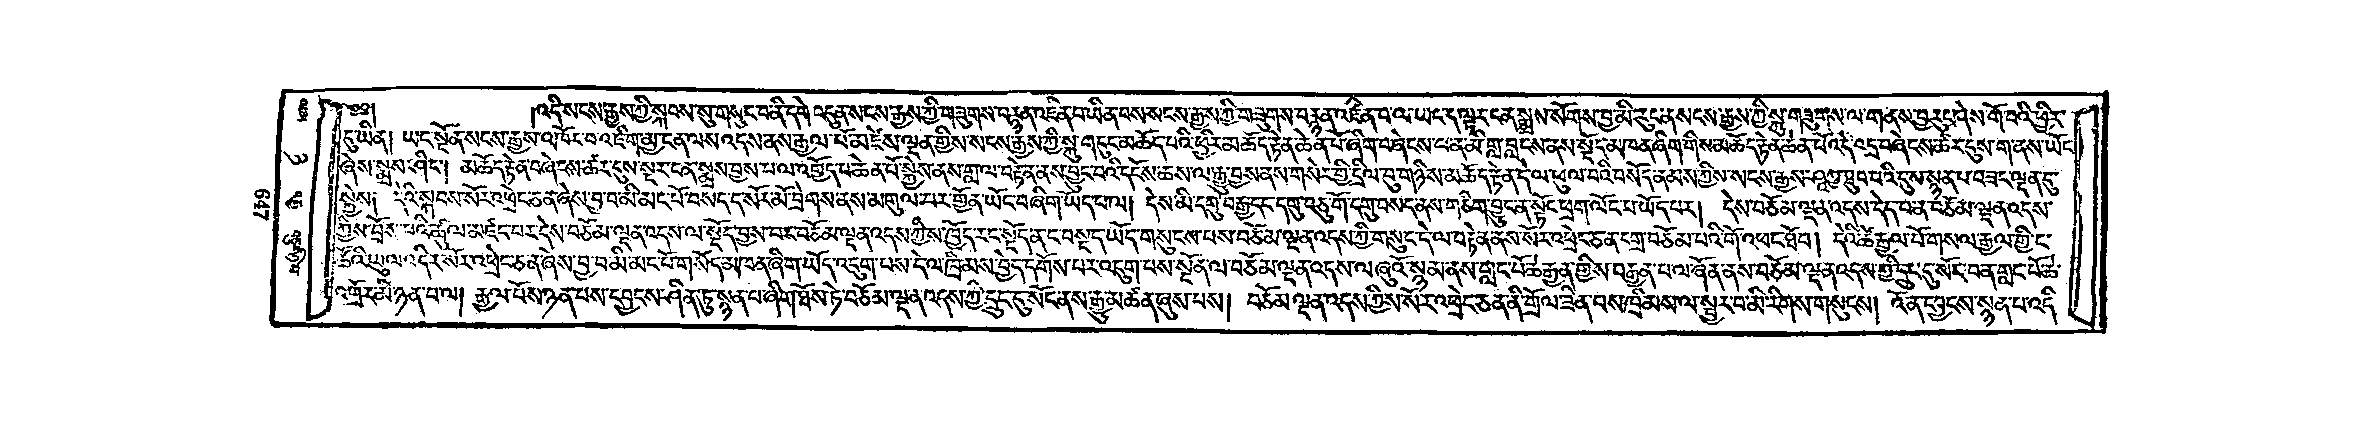༄༅། །འདི་སངས་རྒྱས་ཀྱི་སྐབས་སུ་གསུང་བ་ནི་དགེ་འདུན་སངས་རྒྱས་ཀྱི་གཟུགས་བརྙན་འཛིན་པ་ཡིན་པས་སངས་རྒྱས་ཀྱི་གཟུགས་བརྙན་འཛིན་པ་ལ་ཡང་ད་ལྟར་ངན་སྨྲས་སོགས་བྱ་མི་རུང་ན་སངས་རྒྱས་ཀྱི་སྐུ་གཟུགས་ལ་གནས་བྱ་རུང་ཞེས་གོ་བའི་ཕྱིར་
དུ་ཡིན། ཡང་སྔོན་སངས་རྒྱས་འཁོར་བ་འཇིག་མྱ་ངན་ལས་འདས་ནས་རྒྱལ་པོ་མཛེས་ལྡན་གྱིས་སངས་རྒྱས་ཀྱི་སྐུ་གདུང་མཆོད་པའི་ཕྱིར་མཆོད་རྟེན་ཆེན་པོ་ཞིག་བཞེངས་པ་ན་མི་གླ་བླངས་ནས་སྡོད་མཁན་ཞིག་གིས་མཆོད་རྟེན་ཆེན་པོ་འདི་འདྲ་བཞེངས་ཚར་དུས་གནས་ཡོང་
ཞེས་སྨྲས་ཤིང་། མཆོད་རྟེན་བཞེངས་ཚར་དུས་སྔར་ངན་སྨྲས་བྱས་པ་ལ་འགྱོད་པ་ཆེན་པོ་སྐྱེས་ནས་གླ་ལ་བརྟེན་ནས་བྱུང་བའི་དངོས་ཆས་ལ་རྒྱུ་བྱས་ནས་གསེར་གྱི་དྲིལ་བུ་གཉིས་མཆོད་རྟེན་དེ་ལ་ཕུལ་བའི་བསོད་ནམས་ཀྱིས་སངས་རྒྱས་ཤཱཀྱ་ཐུབ་པའི་དུས་སྙན་པ་བཟང་ལྡན་དུ་
སྐྱེས། དེའི་སྐབས་སོར་འཕྲེང་ཅན་ཞེས་བྱ་བ་མི་མང་པོ་བསད་ད་སོར་མོ་བྲེགས་ནས་མགུལ་པར་གྱོན་ཡོང་བཞིག་ཡོད་པ་ལ། དེས་མི་དགུ་བརྒྱ་དང་དགུ་བཅུ་གོ་དགུ་བསད་ནས་གཅིག་བྱུང་ན་སྟོང་ཕྲག་ལོང་པ་ཡོད་པར། དེས་བཅོམ་ལྡན་འདས་དེད་པ་ན་བཅོམ་ལྡན་འདས་
ཀྱིས་བྲོས་པའི་ཚུལ་མཛད་པར་དེས་བཅོམ་ལྡན་འདས་ལ་སྡོད་བྱས་པར་བཅོམ་ལྡན་འདས་ཀྱིས་ཁྱོད་རང་སྡོད་ན་ང་བསྡད་ཡོད་གསུངས་པས་བཅོམ་ལྡན་འདས་ཀྱི་གསུང་དེ་ལ་བརྟེན་ནས་སོར་འཕྲེང་ཅན་དགྲ་བཅོམ་པའི་གོ་འཕང་ཐོབ། དེའི་ཚེ་རྒྱལ་པོ་གསལ་རྒྱལ་གྱི་ང་
ཚོའི་ཡུལ་འདིར་སོར་འཕྲེང་ཅན་ཞེས་བྱ་བ་མི་མང་པོ་གསོད་མཁན་ཞིག་ཡོད་འདུག་པས་དེ་ལ་ཁྲིམས་བྱེད་དགོས་པར་འདུག་པས་སྔོན་ལ་བཅོམ་ལྡན་འདས་ལ་ཞུའོ་སྙམ་ནས་གླང་པོ་ཆེ་རྒྱན་གྱིས་བརྒྱན་པ་ལ་ཞོན་ནས་བཅོམ་ལྡན་འདས་གྱི་དྲུང་དུ་སོང་བ་ན་གླང་པོ་ཆེ་
འགྲོར་མི་ཉན་པ་ལ། རྒྱལ་པོས་ཉན་པས་དབྱངས་ཤིན་ཏུ་སྙན་པ་ཞིག་ཐོས་ཏེ་བཅོམ་ལྡན་འདས་ཀྱི་དྲུང་དུ་སོང་ནས་རྒྱུ་མཚན་ཞུས་པས། བཅོམ་ལྡན་འདས་ཀྱིས་སོར་འཕྲེང་ཅན་ནི་གྲོལ་ཟིན་པས་ཁྲིམས་ལ་སྦྱར་བ་མི་རིགས་གསུངས། འོ་ན་དབྱངས་སྙན་པ་འདི་